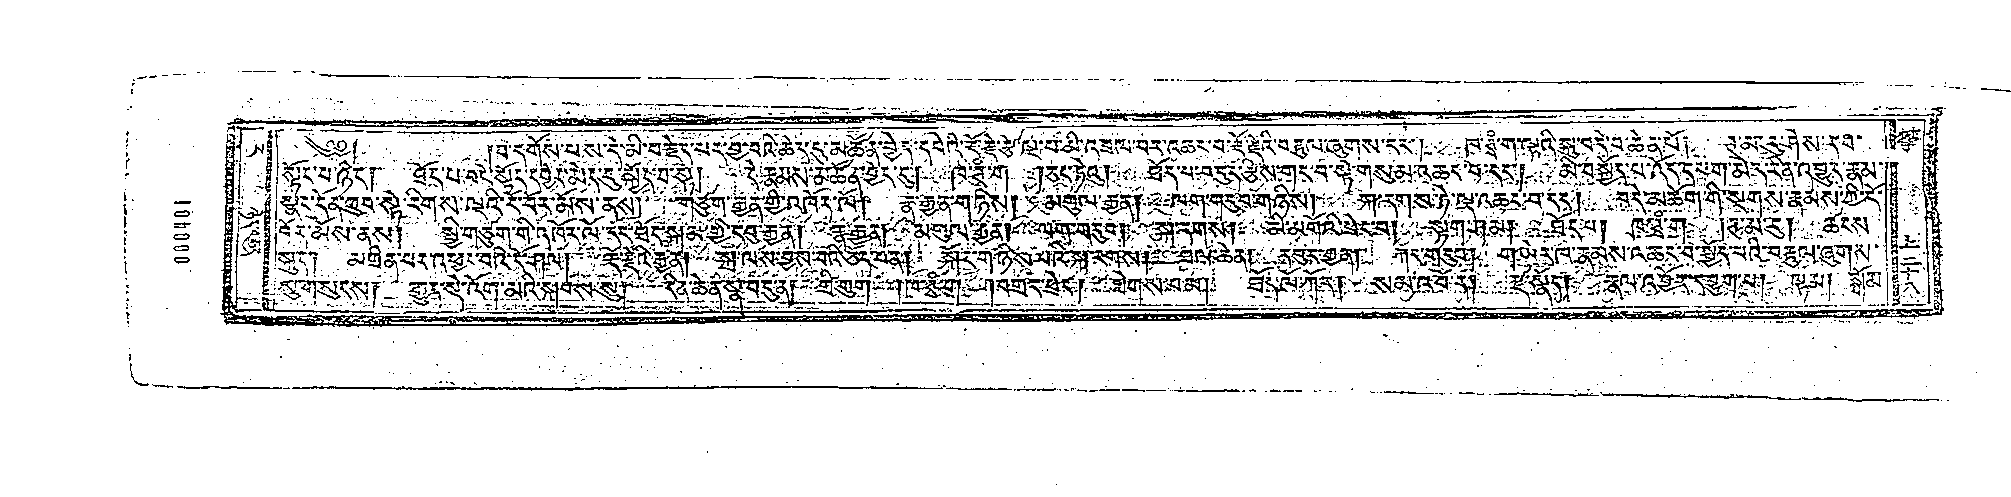༄༅། །བ་དགོས་པས་དེ་མི་བརྗེད་པར་བྱ་བའི་ཆེད་དུ་མཚོན་བྱེད་དབེའི་རྡོ་རྗེ་རྩེ་ལྔ་པ་མི་འབྲལ་བར་འཆང་བ་རྡོ་རྗེའི་བརྟུལ་ཞུགས་དང་། ཁ་ཊྭཾ་ག་ལྷའི་སྐུ་བདེ་བ་ཆེན་པོ། ཊ་མ་རུ་ཤེས་རབ་
སྟོང་པ་ཉིད། ཐོང་པ་བདེ་སྟོང་དབྱེར་མེད་དུ་སྐྱོང་བ་སྟེ། དེ་རྣམས་མཚོན་བྱེད་དུ། ཁ་ཊྭཾ་ག །ཅང་ཏེའུ༑ ཐོད་པ་བདུད་རྩིས་གང་བ་སྟེ་གསུམ་འཆང་བ་དང་། མི་བསྐྱོད་པ་འོད་དཔག་མེད་རིན་འབྱུང་རྣམ་
སྣང་དོན་གྲུབ་སྟེ་རིགས་ལྔའི་ངོ་བོར་མོས་ནས། གཙུག་རྒྱན་གྱི་འཁོར་ལོ། རྣ་རྒྱན་གཉིས། མགུལ་རྒྱན། ལག་གདུབ་གཉིས། སྐ་རགས་ཏེ་ལྔ་འཆང་བ་དང་། བདེ་མཆོག་གི་སྔགས་རྣམས་ཀྱི་ངོ་
བོར་མོས་ནས། སྤྱི་གཙུག་གི་འཁོར་ལོ་དང་ཐོང་སྐམ་གྱི་དབུ་རྒྱན། རྣ་རྒྱན། མགུལ་རྒྱན། ལག་གདུབ། སྐ་རགས། མི་མགོའི་ཕྲེང་བ། སྟག་ཤམ། ཐོད་པ། ཁ་ཊྭཾ་ག །ཊ་མ་དུ། ཚངས་
སྐུད། མགྲིན་པར་འཕྱང་བའི་དོ་ཤལ། རྡོ་རྗེའི་རྒྱན། སྐྲ་ལས་བྱས་བའི་ཅོད་པན། སྐོར་གཉིས་པའི་སྐ་རགས། ཐལ་ཆེན། དབུང་རྒྱན། རྐང་གདུབ། གཡེར་ཁ་རྣམས་འཆང་བ་སྤྱོད་པའི་བརྟུལ་ཞུགས་
སུ་གསུངས། རྒྱུད་སྡེ་འོག་མའི་སྐབས་སུ། རིན་ཆེན་སྣ་བདུན། གྲི་གུག །ཁ་ཊྭཾ་ག །བགྲང་ཕྲེང་། གླེགས་བམ། ཐོད་ལོ་ཀོར། སམ་འབོར། རྫ་སྣོད། རྣལ་འབྱོར་དབྱུག་པ། ལྟམ། སྒོམ་